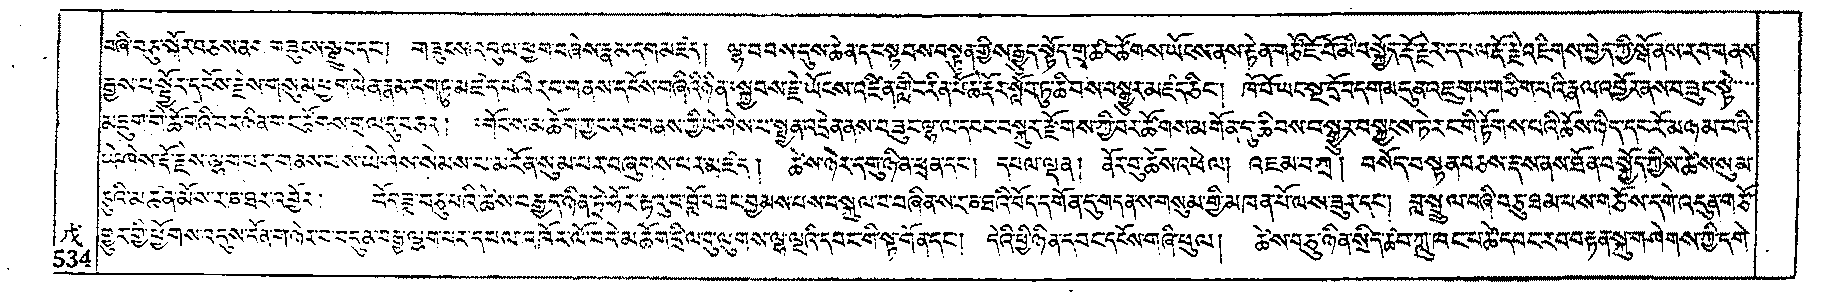བཞི་བཅུ་སྐོར་བཅས་ནས་གཟུངས་སྒྲུབ་དང་། གཟུངས་འབུལ་ཕྱག་བཞེས་རྣམ་དག་མཛད། ལྷ་བབས་དུས་ཆེན་དང་སྟབས་བསྟུན་གྱིས་རྒྱུད་སྟོད་གྲྭ་ཚང་ཚོགས་ཡོངས་ནས་རྟེན་གཙོ་ཇོ་བོ་མི་བསྐྱོད་རྡོ་རྗེར་དཔལ་རྡོ་རྗེ་འཇིགས་བྱེད་ཀྱི་སྒོ་ནས་རབ་གནས་
རྒྱས་པ་སྦྱོར་དངོས་རྗེས་གསུམ་ཕྱག་ལེན་རྣམ་དག་ཏུ་མཛད་པའི་རབ་གནས་དངོས་གཞིའི་ཉིན་༧སྐྱབས་རྗེ་ཡོངས་འཛིན་གླིང་རིན་པོ་ཆེ་རྡོར་སློབ་ཏུ་ཆིབས་བསྒྱུར་མཛད་ཅིང་། ཁོ་བོ་ཡང་སྔ་དྲོ་བདག་མདུན་འཇུག་པ་གཅིག་པའི་རྣལ་འབྱོར་ནས་བཟུང་སྟེ་
མཇུག་གི་ཆོ་གའི་བར་ཉིན་གང་ཚོགས་གྲལ་དུ་བཅར། ༧གོང་ས་མཆོག་ཀྱང་རབ་གནས་ཀྱི་ཡེ་ཤེས་པ་སྤྱན་འདྲེན་ནས་བཟུང་ལྷ་ལ་དབང་བསྐུར་རྫོགས་ཀྱི་བར་ཚོགས་མགོན་དུ་ཆིབས་བསྒྱུར་བསྐྱངས་ཏེ་རང་གི་རྟོགས་པའི་ཆོས་ཉིད་དང་རོ་མཉམ་པའི་
ཡེ་ཤེས་རྡོ་རྗེས་ལྷག་པར་གནས་པས་ཡེ་ཤེས་སེམས་པ་མངོན་སུམ་པར་བཞུགས་པར་མཛད། ཚེས་ཉེར་དགུ་ཉིན་ཕྲན་དང་། དཔལ་ལྡན། ནོར་བུ་ཆོས་འཕེལ། འཇམ་བཀྲ། བསོད་བསྟན་བཅས་རྡ་ས་ནས་ཐོན་བསྐྱོད་ཀྱིས་ཚེས་སུམ་
ཅུའི་མཚན་མོ་ས་ར་ཎ་ཐར་འབྱོར། བོད་ཟླ་བཅུ་པའི་ཚེས་བརྒྱད་ཉིན་ཏྲེ་ཧོར་རྟའུ་བ་བློ་བཟང་བྱམས་པས་བསྐུལ་བ་བཞིན་ས་ར་ཎ་ཐའི་བོད་དགོན་དུ་གདན་ས་གསུམ་གྱི་མཁན་པོ་ལས་ཟུར་དང་། བླ་སྤྲུལ་བཞི་བཅུ་ཐམ་པས་གཙོས་དགེ་འདུན་གཙོ་
གྱུར་གྱི་ཕྱོགས་འདུས་དོན་གཉེར་བ་བདུན་བརྒྱ་ལྷག་པར་དཔལ་འཁོར་ལོ་བདེ་མཆོག་དྲིལ་བུ་ལུགས་ལྷ་ལྔའི་དབང་གི་སྟ་གོན་དང་། དེའི་ཕྱི་ཉིན་དབང་དངོས་གཞི་ཕུལ། ཚེས་བཅུ་ཉིན་སྲིད་ཚབ་ཀླུ་ཁང་པ་ཚེ་དབང་རབ་བརྟན་སྐུ་གཤེགས་ཀྱི་དགེ་